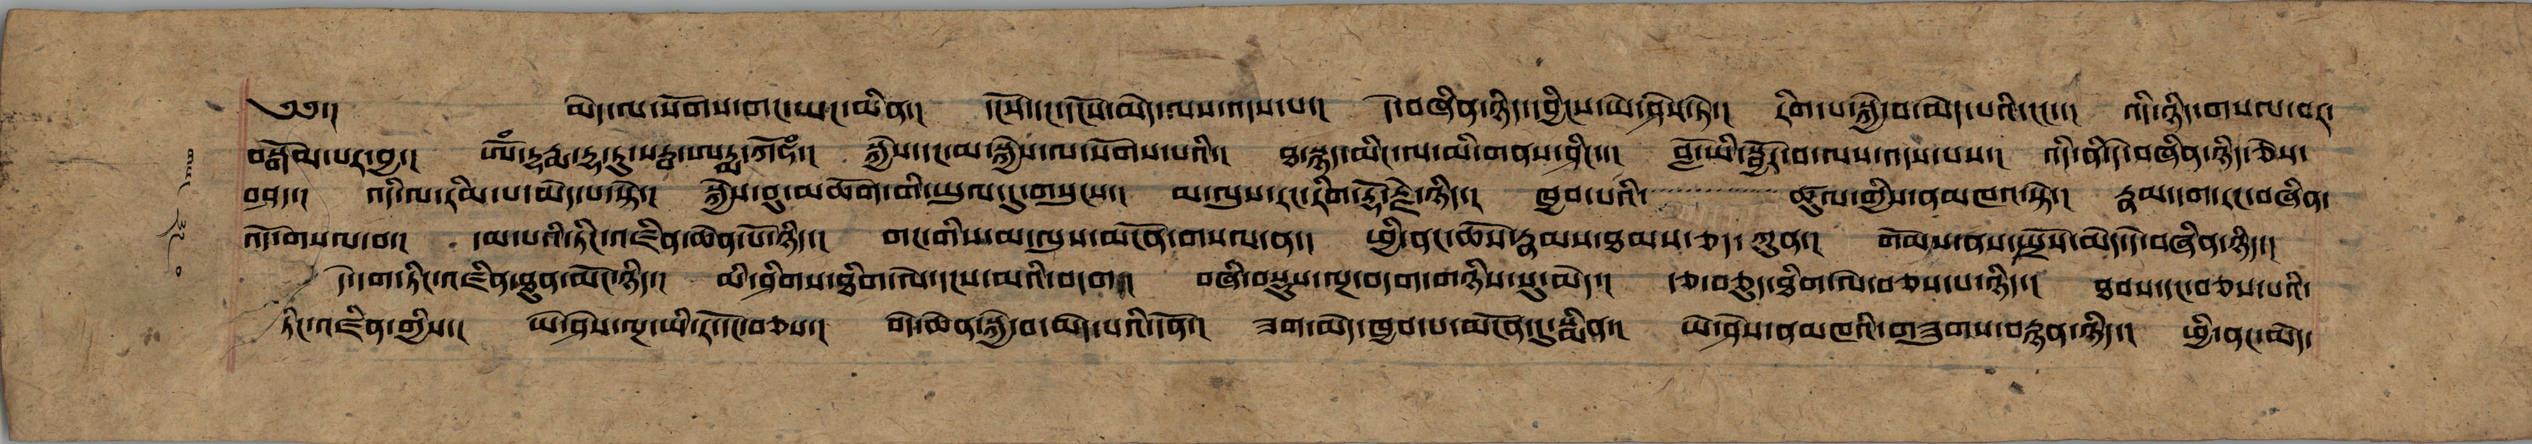༄༅་། མེད་ལ་སོགས་གང་ཡང་མིན་། དངོས་དང་དངོས་མེད་ལས་འདས་པ་། དེ་བཞིན་ཉིད་དབྱིངས་ཡེ་ཤེས་ཏེ་། རིག་པ་སྐྱེ་བ་མེད་པའི་ངང་་། འདི་ཉིད་གསལ་བར་
བསྒོམ་པར་བྱ་། ཨོཾ་དྷརྨ་དྷ་ཏུ་སརྦ་ཨཏྨ་ཀོཧཾ་། སྐྱེས་དང་མ་སྐྱེས་ལ་སོགས་པའི་། ཐ་སྙད་མིང་ལ་མི་གནས་ཤིང་་། བློ་ཡི་སྦྱོར་བ་ལས་འདས་པས་། འདི་ནི་དེ་བཞིན་ཉིད་ཅེས་
བཤད་། འདི་ལ་རིམ་པ་མེད་པ་སྟེ་། སྐྱེས་བུ་མཆོག་གི་ཡུལ་དུ་གསུངས་། མ་ལུས་རང་རིག་རྡོ་རྗེ་ཉིད་། ཁྱབ་པའི་་་་་་་་་་་་་་་་་་་་ཚུལ་གྱིས་ནམཁའ་སྟེ་། རྣམ་དག་རང་བཞིན་
འོད་གསལ་བ་། དམ་པའི་ཏིང་འཛིན་ཆེན་པོ་ཉིད་། གང་གིས་མ་ལུས་མངོན་གསལ་ན་། ཕྱི་ནང་ཆོས་རྣམས་ཐམས་ཅད་ཀུན་། གོམས་ནས་སྤྲོས་མེད་དེ་བཞིན་ཉིད་།
དེ་དག་ཏིང་འཛིན་ཐུན་མོང་ཉིད་། མི་ཤིགས་ཐིག་ལེ་དངས་མའི་བདག་། བཞི་བསྡུས་ལྔ་བདག་གཉིས་སུ་མེད་། རྩ་བཅུད་ཐིག་ལེ་བཅས་པ་ཉིད་། ཐབས་དང་བཅས་པའི་
ཏིང་འཛིན་གྱིས་། ཡེ་ཤེས་ལྔ་ཡི་རོ་དང་བཅས་། བདེ་ཆེན་སྐྱེ་བ་མེད་པའི་དོན་། ཟག་མེད་ཁྱབ་པ་མངོན་དུ་སྨིན་། ཡེ་ཤེས་ནམཁའི་གཟུགས་བརྙན་ཉིད་། ཕྱི་ནང་མེད་